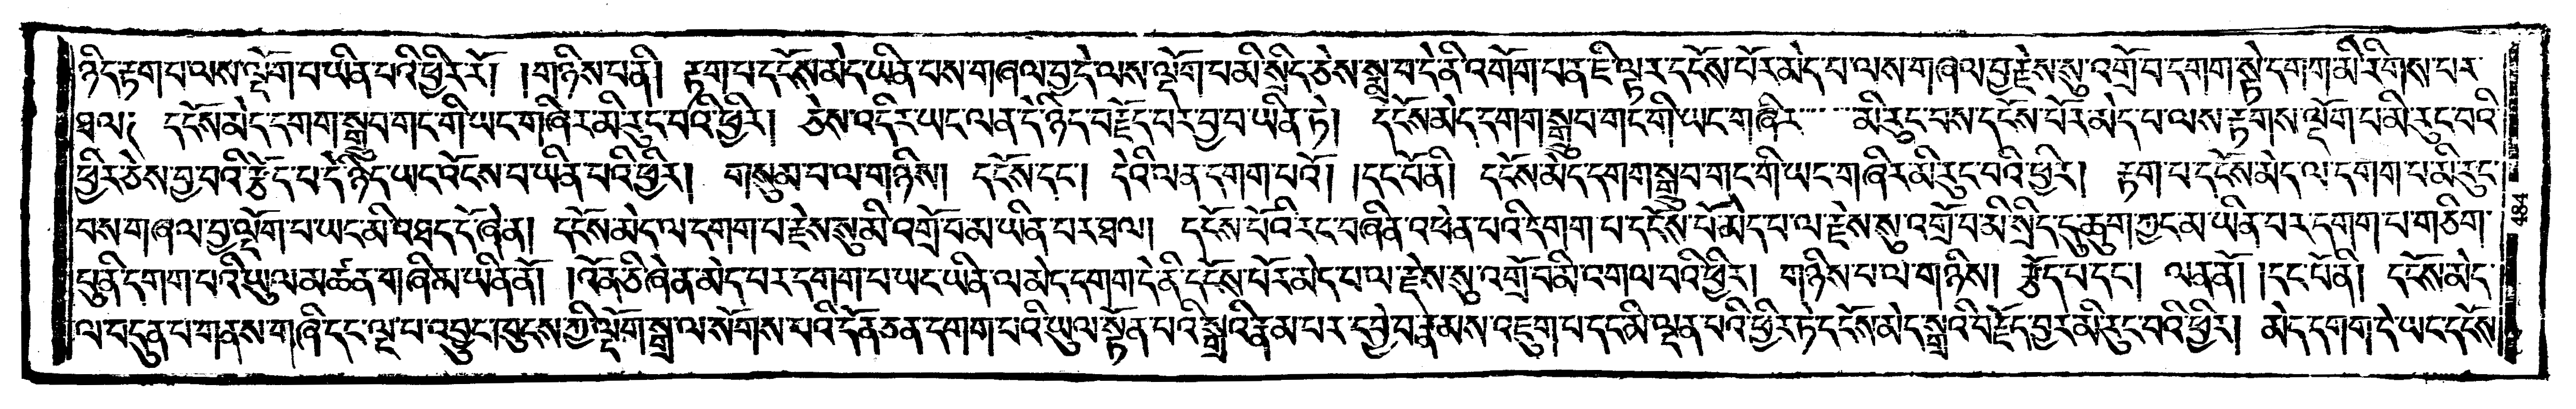ཉིད་རྟག་པ་ལས་ལྡོག་པ་ཡིན་པའི་ཕྱིར་རོ། །གཉིས་པ་ནི། རྟག་པ་དངོས་མེད་ཡིན་པས་གཞལ་བྱ་དེ་ལས་ལྡོག་པ་མི་སྲིད་ཅེས་སྨྲ་བ་དེ་ནི་འགོག་པ་ན་ཇི་ལྟར་དངོས་པོར་མེད་པ་ལས་གཞལ་བྱ་རྗེས་སུ་འགྲོ་བ་དགག་སྟེ་དགག་མི་རིགས་པར་
ཐལ༑ དངོས་མེད་དགག་སྒྲུབ་གང་གི་ཡང་གཞིར་མི་རུང་བའི་ཕྱིར། ཅེས་འདིར་ཡང་ལན་དེ་ཉིད་བརྗོད་པར་བྱ་བ་ཡིན་ཏེ། དངོས་མེད་དགག་སྒྲུབ་གང་གི་ཡང་གཞིར་མི་རུང་བས་དངོས་པོར་མེད་པ་ལས་རྟགས་ལྡོག་པ་མི་རུང་བའི་
ཕྱིར་ཅེས་བྱ་བའི་རྩོད་པ་དེ་ཉིད་ཡང་འོངས་པ་ཡིན་པའི་ཕྱིར། གསུམ་པ་ལ་གཉིས། དངོས་དང་། དེའི་ལན་དགག་པའོ། །དང་པོ་ནི། དངོས་མེད་དགག་སྒྲུབ་གང་གི་ཡང་གཞིར་མི་རུང་བའི་ཕྱིར། རྟག་པ་དངོས་མེད་ལ་དགག་པ་མི་རུང་
བས་གཞལ་བྱ་ལྡོག་པ་ཡང་མི་འཐད་དོ་ཞེ་ན། དངོས་མེད་ལ་དགག་པ་རྗེས་སུ་མི་འགྲོ་བ་མ་ཡིན་པར་ཐལ། དངོས་པོའི་རང་བཞིན་འཕེན་པའི་དགག་པ་དངོས་པོ་མེད་པ་ལ་རྗེས་སུ་འགྲོ་བ་མི་སྲིད་དུ་ཆུག་ཀྱང་མ་ཡིན་པར་དགག་པ་གཅིག་
བུ་ནི་དགག་པའི་ཡུལ་མཚན་གཞི་མ་ཡིན་ནོ། །འོ་ན་ཅི་ཞེ་ན་མེད་པར་དགག་པ་ཡང་ཡིན་ལ་མེད་དགག་དེ་ནི་དངོས་པོར་མེད་པ་ལ་རྗེས་སུ་འགྲོ་བ་མི་འགལ་བའི་ཕྱིར། གཉིས་པ་ལ་གཉིས། རྩོད་པ་དང་། ལན་ནོ། །དང་པོ་ནི། དངོས་མེད་
ལ་བདུན་པ་གནས་གཞི་དང་ལྔ་པ་འབྱུང་ཁུངས་ཀྱི་ལྡོག་སྒྲ་ལ་སོགས་པའི་དོན་ཅན་དགག་པའི་ཡུལ་སྟོན་པའི་སྒྲའི་རྣམ་པར་དབྱེ་བ་རྣམས་འཇུག་པ་དང་མི་ལྡན་པའི་ཕྱིར་ཏེ་དངོས་མེད་སྒྲའི་བརྗོད་བྱར་མི་རུང་བའི་ཕྱིར། མེད་དགག་དེ་ཡང་དངོས་